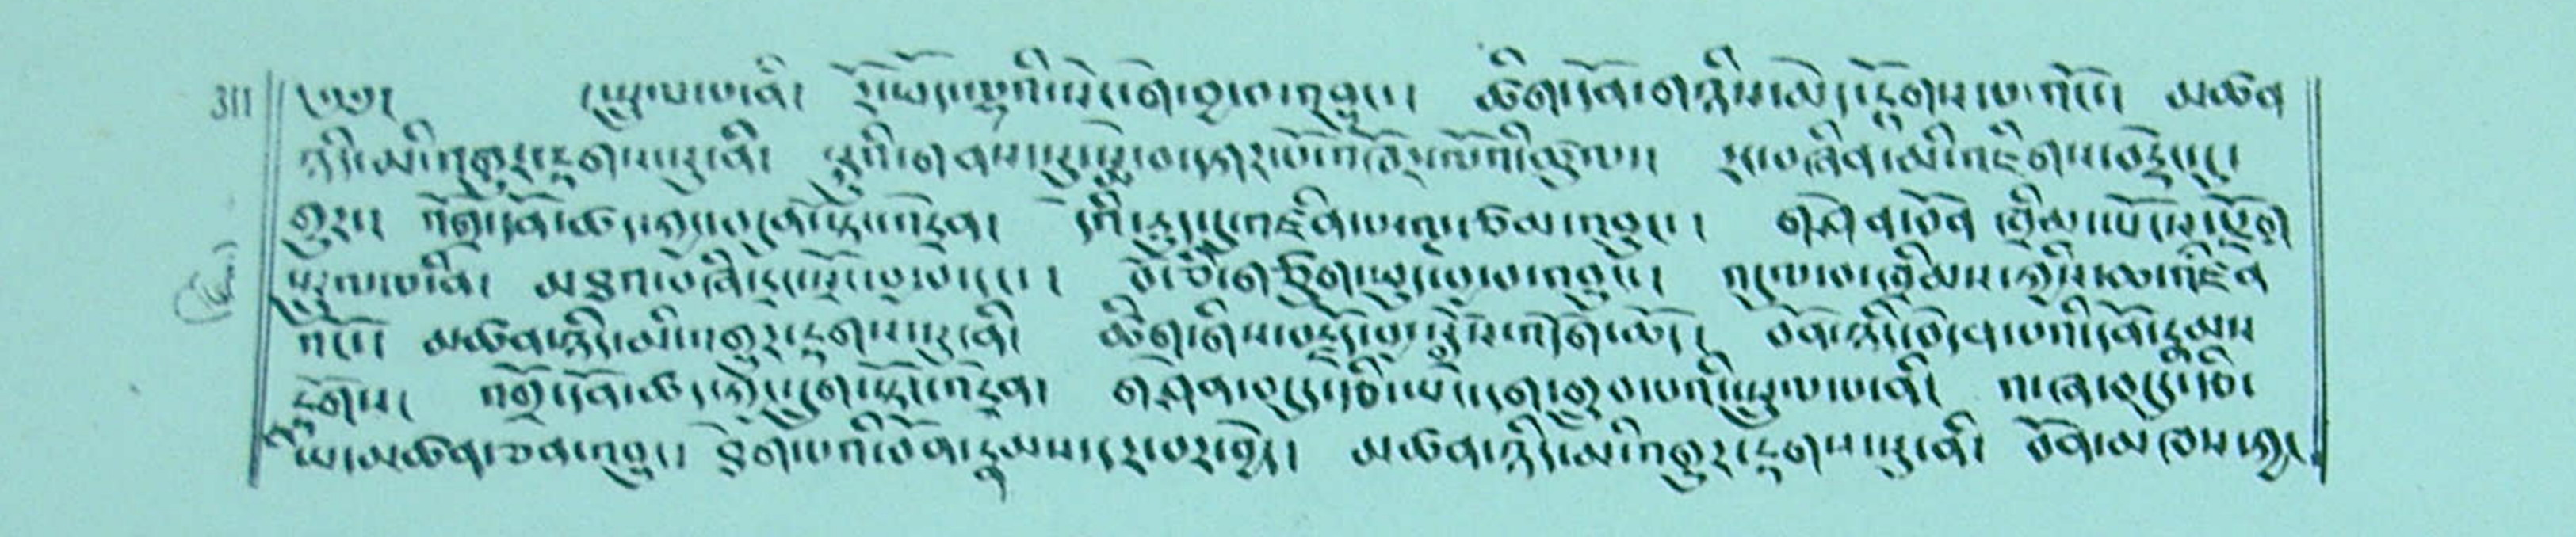༄༅། །སྤྲུལ་པ་ནི། རོ་ཕོད་ལྷའི་སེང་གེ་བྱ་བ་འབྱུང་། ཚིག་དོན་གཉིས་མེད་རྟོགས་པ་འོང་། མཚན་
ཉིད་མི་འགྱུར་རྟགས་སུ་ནི། སྐུའི་གནས་སུ་སྨེ་བ་དཀར་པོ་འཁོར་ལོའི་ཚུལ། རང་བཞིན་མི་འཇིགས་རྡེངས་སུ་
འགྱུར། འགྲོ་དོན་ཚད་ཀྱང་བདུན་སྟོང་འདྲེན། དེའི་རྒྱུད་དུ་འཛིན་པ་ལྔ་ཙམ་འབྱུང་། གཤེན་བོན་ཁྲིམ་ཡོངས་རྫོགས་
སྤྲུལ་པ་ནི། མཐའ་བཞི་དྲང་སྲོང་བྱ་བ་དང་། བོ་ཅི་གཙུག་ཕུད་བྱ་བ་འབྱུང་། འདུལ་བ་ཁྲིམས་ཀྱིས་ཆ་འཛིན་
འོང་། མཚན་ཉིད་མི་འགྱུར་རྟགས་སུ་ནི། ཚིག་གིས་བརྗོད་བྱ་སྒྲོ་འདོགས་ཆོད། བོན་ཉིད་བདེན་པའི་དོན་རྣམས་
རྟོགས། འགྲོ་དོན་ཚད་ཀྱང་དྲུག་སྟོང་འདྲེན། གཤེན་བདུད་རྩི་ཡང་དག་གྲུབ་པའི་སྤྲུལ་པ་ནི། འ་ཞ་བདུད་རྩིའི་
མཚན་ཅན་འབྱུང་། ཐེག་པའི་བོན་རྣམས་དར་བ་བྱེད། མཚན་ཉིད་མི་འགྱུར་རྟགས་སུ་ནི། བོན་ལ་མཁས་ཀྱང་